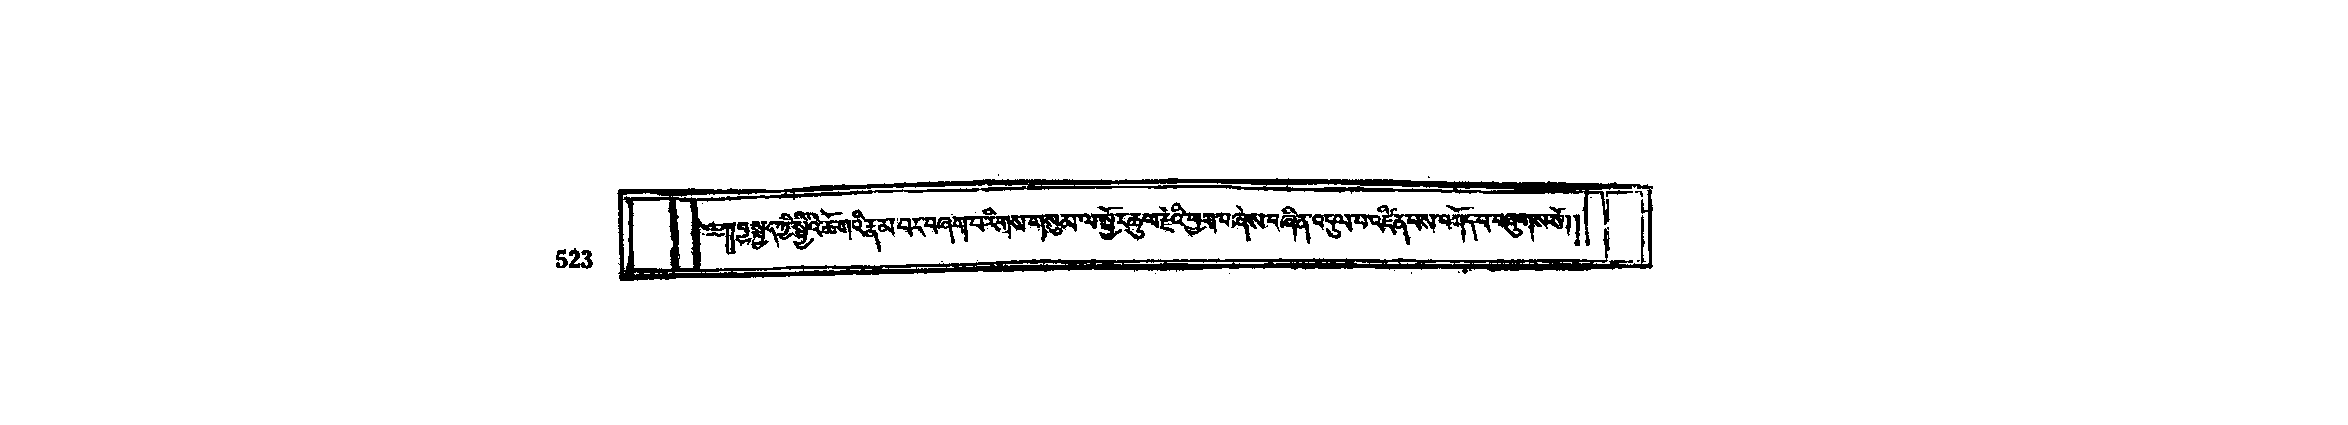༄༅། །བྱ་སྤྱོད་ཀྱི་སྤྱིའི་ཆོ་གའི་རྣམ་པར་བཞག་པ་རིགས་གསུམ་ལ་སྦྱོར་ཚུལ་རྗེའི་ཕྱག་བཞེས་བཞིན་འདུལ་བ་འཛིན་པས་བཀོད་པ་བཞུགས་སོ། །